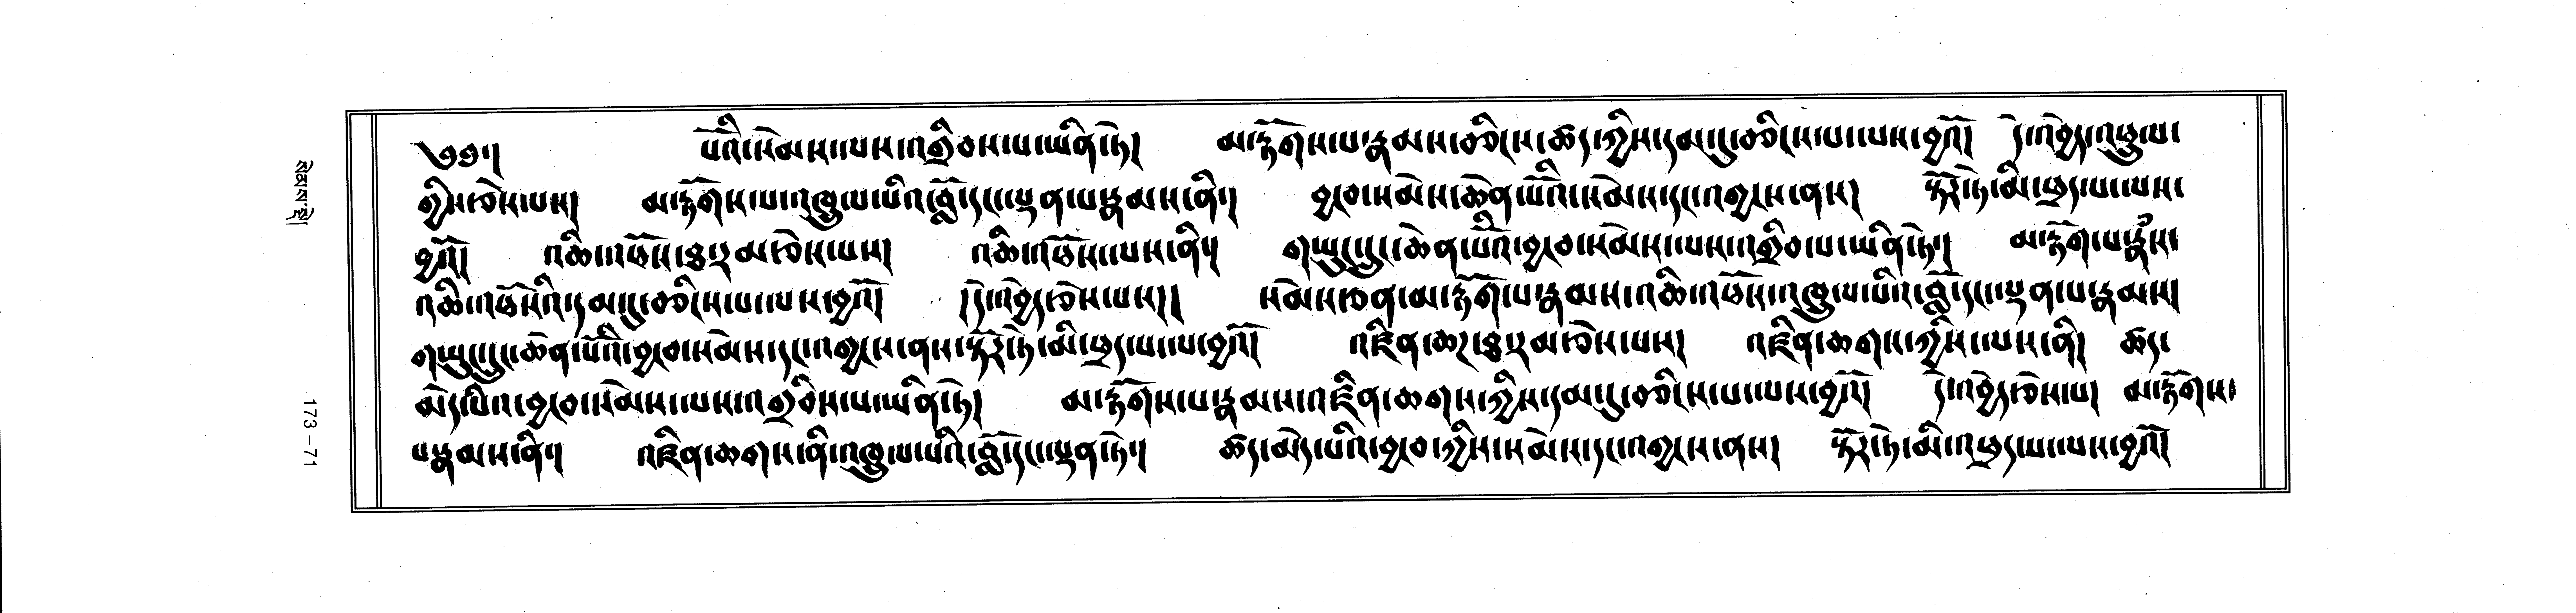པོའི་སེམས་ལས་འགྲིབ་པ་ཡིན་ཏེ། མ་རྟོགས་པ་རྣམས་བཅིངས་ཚད་ཀྱིས་དམ་དུ་བཅིངས་པ་ལ་བྱའོ། །དེ་འབྱེད་འཕྲུལ་
གྱིས་ཅེས་པ། མ་རྟོགས་པ་འཁྲུལ་པའི་བློ་དང་ལྡན་པ་རྣམས་ནི། བྱང་ཆུབ་ཆེན་པོའི་སེམས་དང་འགྱངས་ནས་སྟོར་ཏེ་མི་འཕྲད་པ་ལ་
བྱའོ། །འཆི་འཕོས་ཐ་རམ་ཅེས་པ། འཆི་འཕོས་ལས་ནི། གཡུང་དྲུང་ཆེན་པོའི་བྱང་ཆུབ་སེམས་ལས་འགྲིབ་པ་ཡིན་ཏེ། མ་རྟོགས་པ་རྣམས་
འཆི་འཕོའི་དམ་དུ་བཅིངས་པ་ལ་བྱའོ། །དེ་འབྱེད་ཅེས་པས། སེམས་ཅན་མ་རྟོགས་པ་རྣམས་འཆི་འཕོས་འཁྲུལ་པའི་བློ་དང་ལྡན་པ་རྣམས། 
གཡུང་དྲུང་ཆེན་པོའི་བྱང་ཆུབ་སེམས་དང་འགྱངས་ནས་སྟོར་ཏེ་མི་འཕྲད་པ་ལ་བྱའོ། །འཛིན་ཆགས་ཐ་རམ་ཅེས་པ། འཛིན་ཆགས་ཀྱི་ལས་ནི་ཚད་
མེད་པའི་བྱང་ཆུབ་སེམས་ལས་འགྲིབ་པ་ཡིན་ཏེ། མ་རྟོགས་པ་རྣམས་འཛིན་ཆགས་ཀྱིས་དམ་དུ་བཅིངས་པ་ལ་བྱའོ། །དེ་འབྱེད་ཅེས་པ། མ་རྟོགས་
པ་རྣམས་ནི། འཛིན་ཆགས་ནི་འཁྲུལ་པའི་བློ་དང་ལྡན་ཏེ། ཚད་མེད་པའི་བྱང་ཆུབ་ཀྱི་སེམས་དང་འགྱངས་ནས་སྟོར་ཏེ་མི་འཕྲད་པ་ལ་བྱའོ། །